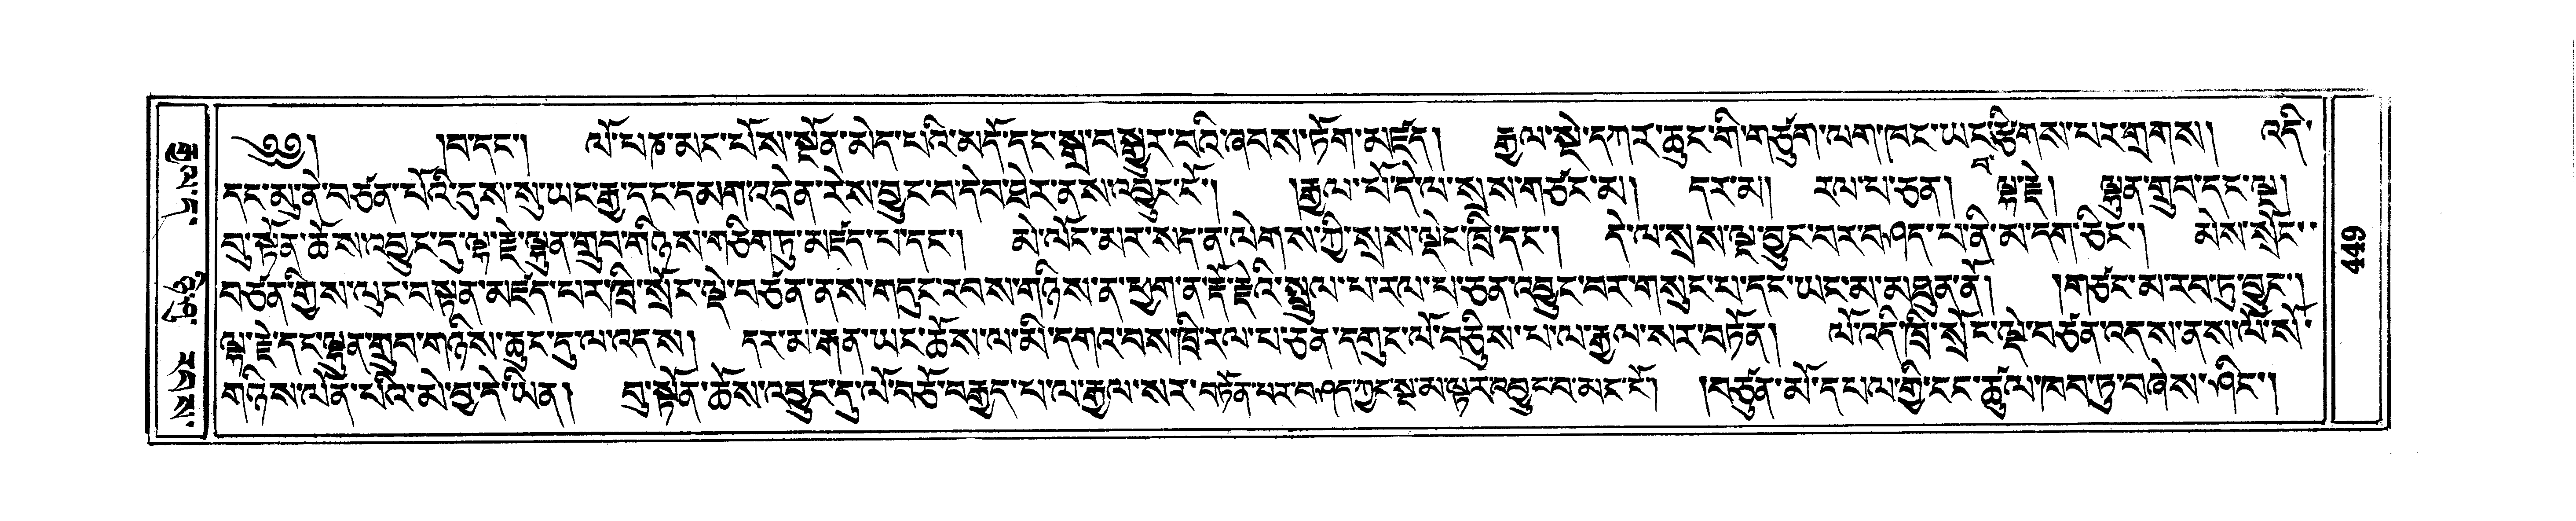༄༅། །བ་དང་། ལོ་པཎ་མང་པོས་སྔོན་མེད་པའི་མདོ་དང་སྒྲ་བསྒྱུར་བའི་ཞབས་ཏོག་མཛད། རྒྱལ་སྡེ་དཀར་ཆུང་གི་གཙུག་ལག་ཁང་ཡང་བ་རྩིགས་པར་གྲགས། འདི་
དང་མུ་ནེ་བཙན་པོའི་དུས་སུ་ཡང་རྒྱ་དང་དམག་འདྲེན་རེས་བྱུང་བ་དེབ་ཐེར་ནས་འབྱུང་ངོ། །རྒྱལ་པོ་དེ་ལ་སྲས་གཙང་མ། དར་མ། རལ་པ་ཅན། ལྷ་རྗེ། ལྷུན་གྲུབ་དང་ལྔ།
བུ་སྟོན་ཆོས་འབྱུང་དུ་ལྷ་རྗེ་ལྷུན་གྲུབ་གཉིས་གཅིག་ཏུ་མཛད་པ་དང་། མེ་ལོང་མར་སད་ན་ལེགས་ཀྱི་སྲས་ལྡེང་ཁྲི་དང་། དེ་ལ་སྲས་ལྔ་བྱུང་བར་བཤད་པ་ནི་མ་དག་ཅིང་། མེས་སྲོང་
བཙན་གྱིས་ལུང་བསྟན་མཛད་པར་ཁྲི་སྲོང་ལྡེ་བཙན་ནས་གདུང་རབས་གཉིས་ན་ཕྱག་ན་རྡོ་རྗེའི་སྤྲུལ་པ་རལ་པ་ཅན་འབྱུང་བར་གསུང་བ་དང་ཡང་མ་མཐུན་ནོ། །གཙང་མ་རབ་ཏུ་བྱུང་།
ལྷ་རྗེ་དང་ལྷུན་གྲུབ་གཉིས་ཆུང་དུ་ལ་འདས། དར་མ་རྒན་ཡང་ཆོས་ལ་མི་དགའ་བས་ཁྲི་རལ་པ་ཅན་དགུང་ལོ་བཅུཨིས་པ་ལ་རྒྱལ་སར་བཏོན། ལོ་འདི་ཁྲི་སྲོང་ལྡེ་བཙན་འདས་ནས་ལོ་སོ་
གཉིས་ལོན་པའི་མེ་བྱ་དེ་ཡིན། བུ་སྟོན་ཆོས་འབྱུང་དུ་ལོ་བཅོ་བརྒྱད་པ་ལ་རྒྱལ་སར་བཏོན་པར་བཤད་ཀྱང་སྔ་མ་ལྟར་འབྱུང་བ་མང་ངོ།  །བཙུན་མོ་དཔལ་གྱི་ངང་ཚུལ་ཁབ་ཏུ་བཞེས་ཤིང་།